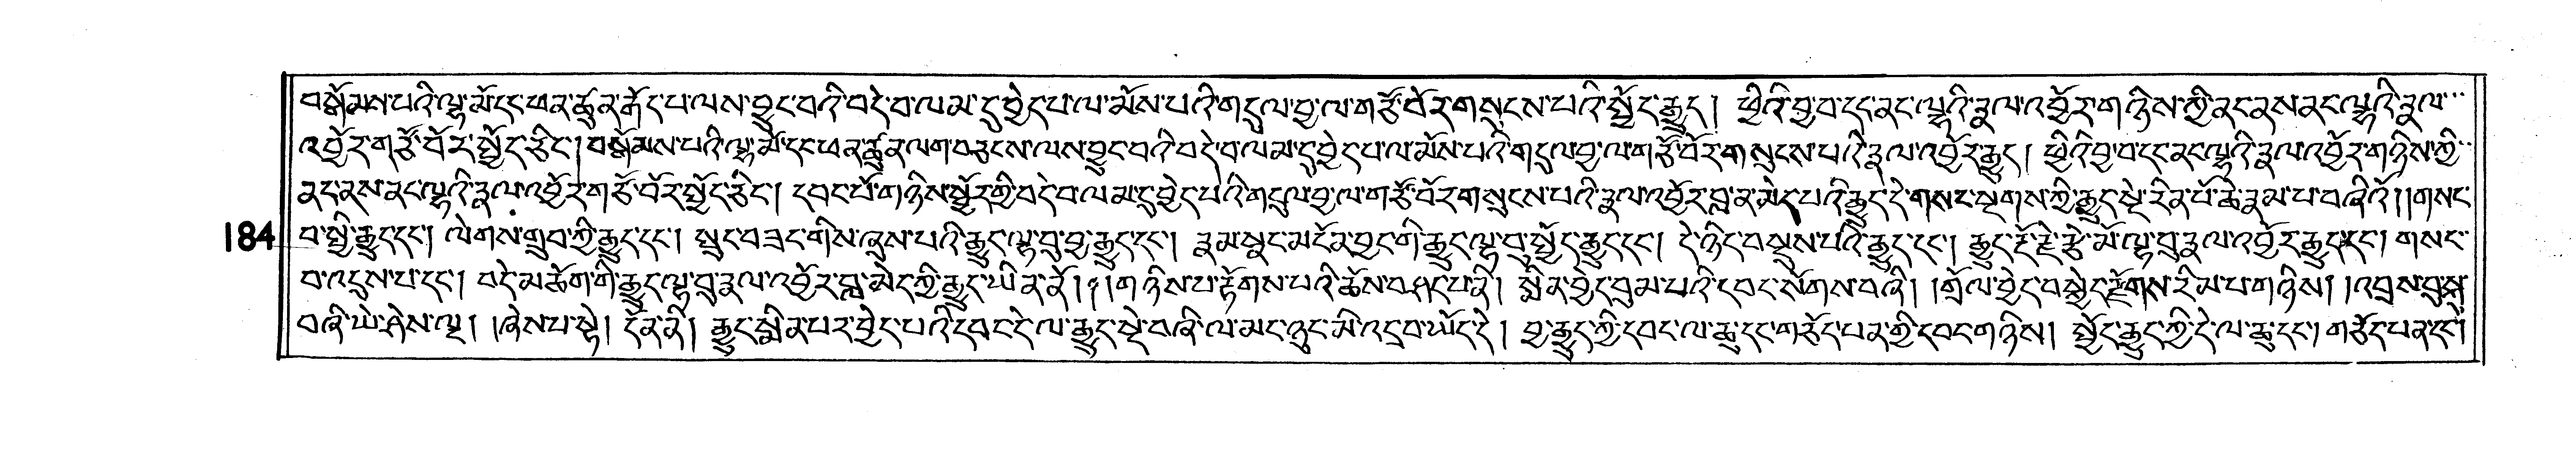བསྒོམས་པའི་ལྷ་མོ་དང་ཕན་ཚུན་རྒོད་པ་ལས་བྱུང་བའི་བདེ་བ་ལམ་དུ་བྱེད་པ་ལ་མོས་པའི་གདུལ་བྱ་ལ་གཙོ་བོར་གསུངས་པའི་སྤྱོད་རྒྱུད། ཕྱིའི་བྱ་བ་དང་ནང་ལྷའི་རྣལ་འབྱོར་གཉིས་ཀྱི་ནང་ནས་ནང་ལྷའི་རྣལ་
འབྱོར་གཙོ་བོར་སྤྱོད་ཅིང་། བསྒོམས་པའི་ལྷ་མོ་དང་ཕན་ཚུན་ལག་བཅངས་ལས་བྱུང་བའི་བདེ་བ་ལམ་དུ་བྱེད་པ་ལ་མོས་པའི་གདུལ་བྱ་ལ་གཙོ་བོར་གསུངས་པའི་རྣལ་འབྱོར་རྒྱུད། ཕྱིའི་བྱ་བ་དང་ནང་ལྷའི་རྣལ་འབྱོར་གཉིས་ཀྱི་
ནང་ནས་ནང་ལྷའི་རྣལ་འབྱོར་གཙོ་བོར་སྤྱོད་ཅིང་། དབང་པོ་གཉིས་སྦྱོར་གྱི་བདེ་བ་ལམ་དུ་བྱེད་པའི་གདུལ་བྱ་ལ་གཙོ་བོར་གསུངས་པའི་རྣལ་འབྱོར་བླ་ན་མེད་པའི་རྒྱུད་དེ་གསང་སྔགས་ཀྱི་རྒྱུད་སྡེ་རིན་པོ་ཆེ་རྣམ་པ་བཞིའོ། །གསང་
བ་སྤྱི་རྒྱུད་དང་། ལེགས་གྲུབ་ཀྱི་རྒྱུད་དང་། སྤུང་བཟང་གིས་ཞུས་པའི་རྒྱུད་ལྟ་བུ་བྱ་རྒྱུད་དང་། རྣམ་སྣང་མངོན་བྱང་གི་རྒྱུད་ལྟ་བུ་སྤྱོད་རྒྱུད་དང་། དེ་ཉིད་བསྡུས་པའི་རྒྱུད་དང་། རྒྱུད་རྡོ་རྗེ་རྩེ་མོ་ལྟ་བུ་རྣལ་འབྱོར་རྒྱུད་དང་། གསང་
བ་འདུས་པ་དང་། བདེ་མཆོག་གི་རྒྱུད་ལྟ་བུ་རྣལ་འབྱོར་བླ་མེད་ཀྱི་རྒྱུད་ཡིན་ནོ། ༈ །གཉིས་པ་རྟོགས་པའི་ཆོས་བཤད་པ་ནི། སྨིན་བྱེད་བུམ་པའི་དབང་སོགས་བཞི། །གྲོལ་བྱེད་བསྐྱེད་རྫོགས་རིམ་པ་གཉིས། །འབྲས་བུ་སྐུ་
བཞི་ཡེ་ཤེས་ལྔ། །ཞེས་པ་སྟེ། དོན་ནི། རྒྱུད་སྨིན་པར་བྱེད་པའི་དབང་དེ་ལ་རྒྱུད་སྡེ་བཞི་ལ་མང་ཉུང་མི་འདྲ་བ་ཡོད་དེ། བྱ་རྒྱུད་ཀྱི་དབང་ལ་ཆུ་དང་གཅོད་པན་གྱི་དབང་གཉིས། སྤྱོད་རྒྱུད་ཀྱི་དེ་ལ་ཆུ་དང་། གཅོད་པ་ན་དང་།